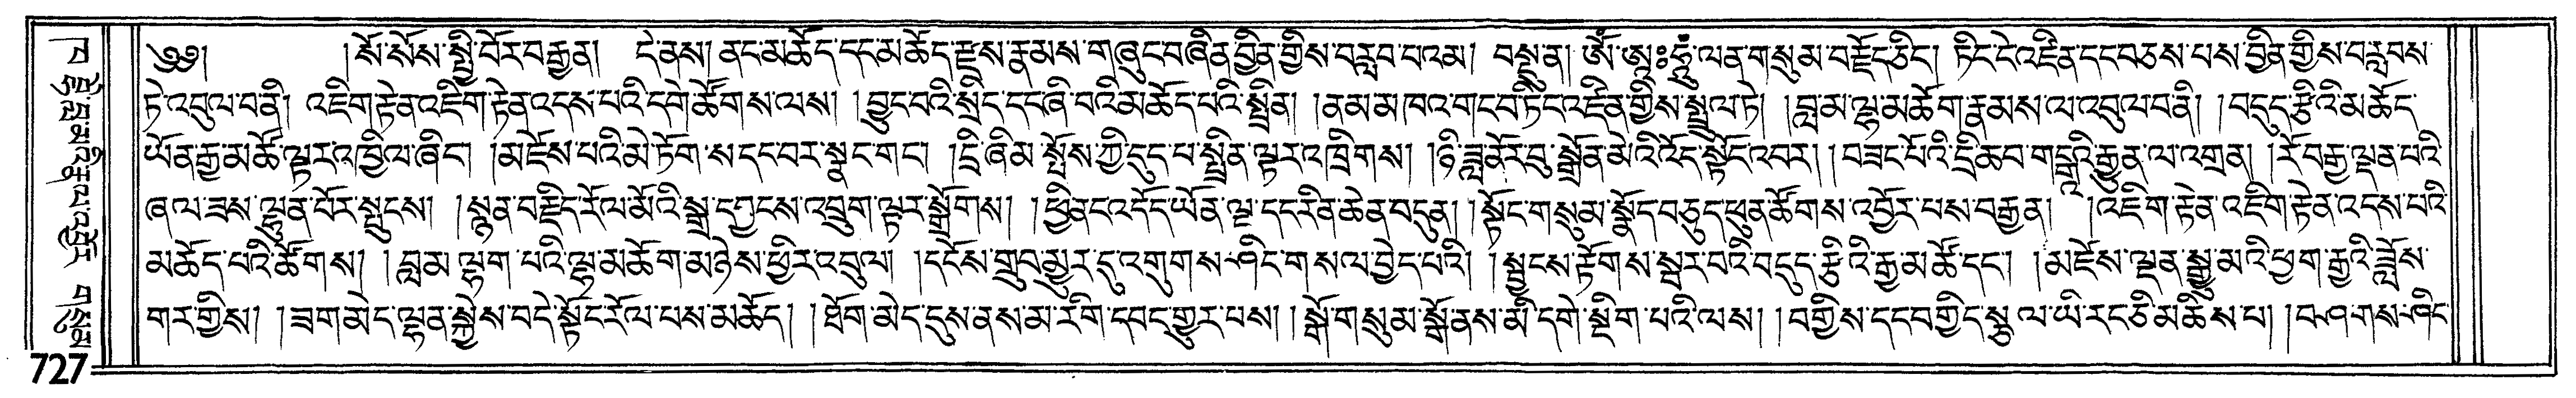༄༅། །སོ་སོས་སྤྱི་བོར་བརྒྱན། དེ་ནས་ནང་མཆོད་དང་མཆོད་རྫས་རྣམས་གཞུང་བཞིན་བྱིན་གྱིས་བརླབ་པའམ། བསྡུ་ན། ཨོཾ་ཨཱཿ ཧཱུཾ་ལན་གསུམ་བརྗོད་ཅིང་། ཏིང་ངེ་འཛིན་དང་བཅས་པས་བྱིན་གྱིས་བརླབས་
ཏེ་འབུལ་བ་ནི། འཇིག་རྟེན་འཇིག་རྟེན་འདས་པའི་དགེ་ཚོགས་ལས། །བྱུང་བའི་སྲིད་དང་ཞི་བའི་མཆོད་པའི་སྤྲིན། །ནམ་མཁའ་གང་བ་ཏིང་འཛིན་གྱིས་སྤྲུལ་ཏེ། །བླ་མ་ལྷ་མཆོག་རྣམས་ལ་འབུལ་བ་ནི། །བདུད་རྩིའི་མཆོད་
ཡོན་རྒྱ་མཚོ་ལྟར་འཁྱིལ་ཞིང་། །མཛེས་པའི་མེ་ཏོག་ས་དང་བར་སྣང་གང་། །དྲི་ཞིམ་སྤོས་ཀྱི་དུད་པ་སྤྲིན་ལྟར་འཁྲིགས། །ཉི་ཟླ་ནོར་བུ་སྒྲོན་མེའི་འོད་སྟོང་འབར། །བཟང་པོའི་དྲི་ཆབ་གངྒཱའི་རྒྱུན་ལ་འགྲན། །རོ་བརྒྱ་ལྡན་པའི་
ཞལ་ཟས་ལྷུན་པོར་སྤུངས། །སྙན་བརྗིད་རོལ་མོའི་སྒྲ་དབྱངས་འབྲུག་ལྟར་སྒྲོགས། །ཕྱི་ནང་འདོད་ཡོན་ལྔ་དང་རིན་ཆེན་བདུན། །སྟོང་གསུམ་སྣོད་བཅུད་ཕུན་ཚོགས་འབྱོར་པས་བརྒྱན། །འཇིག་རྟེན་འཇིག་རྟེན་འདས་པའི་
མཆོད་པའི་ཚོགས། །བླ་མ་ལྷག་པའི་ལྷ་མཆོག་མཉེས་ཕྱིར་འབུལ། །དངོས་གྲུབ་མྱུར་དུ་འགུགས་ཤིང་གསལ་བྱེད་པའི། །སྦྱངས་རྟོགས་སྦར་བའི་བདུད་རྩིའི་རྒྱ་མཚོ་དང་། །མཛེས་ལྡན་སྒྱུ་མའི་ཕྱག་རྒྱའི་ཟློས་
གར་གྱིས། །ཟག་མེད་ལྷན་སྐྱེས་བདེ་སྟོང་རོལ་པས་མཆོད། །ཐོག་མེད་དུས་ནས་མ་རིག་དབང་གྱུར་པས། །སྒོ་གསུམ་སྒོ་ནས་མི་དགེ་སྡིག་པའི་ལས། །བགྱིས་དང་བགྱིད་སྩལ་ཡི་རང་ཅི་མཆིས་པ། །བཤགས་ཤིང་